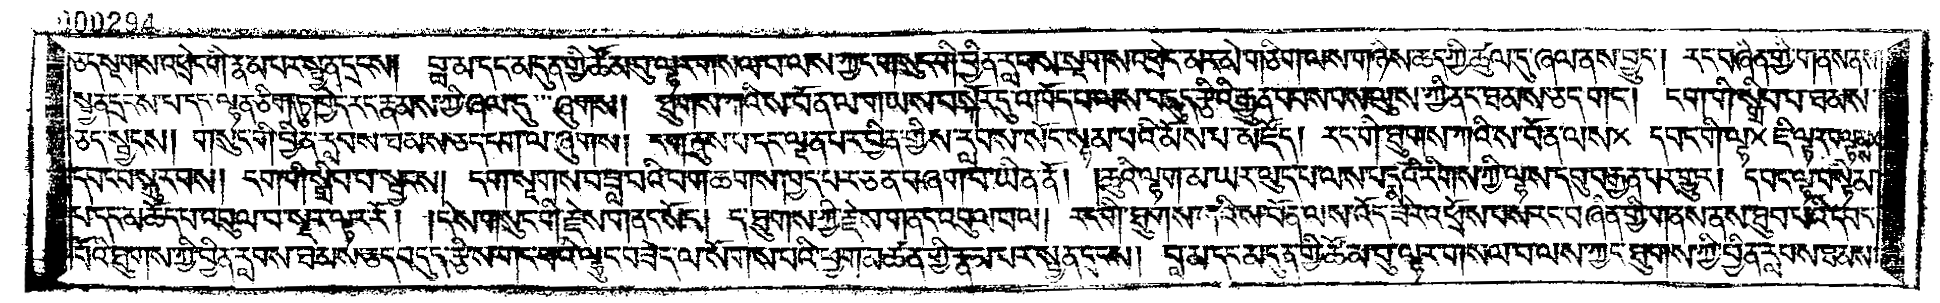ཅད་སྔགས་འཕྲེང་གི་རྣམ་པར་སྤྱན་དྲངས། བླ་མ་དང་མདུན་གྱི་ཚོམ་བུ་ལྷར་གསལ་བ་ལས་ཀྱང་གསུང་གི་བྱིན་རླབས་སྔགས་འཕྲེང་མར་མེ་གཅིག་ལས་གཉིས་ཆད་ཀྱི་ཚུལ་དུ་ཞལ་ནས་བྱུང་། རང་བཞིན་གྱི་གནས་ནས་
སྤྱན་དྲངས་པ་དང་ལྷན་ཅིག་ཏུ་ཁྱེད་རང་རྣམས་ཀྱི་ཞལ་དུ་ཞུགས། ཐུགས་ཀའི་ས་བོན་ལ་གཡས་བསྐོར་དུ་འཁོད་པ་ལས་བདུད་རྩིའི་རྒྱུན་བབས་པས་ལུས་ཀྱི་ནང་ཐམས་ཅད་གང་། ངག་གི་སྒྲིབ་པ་ཐམས་
ཅད་སྦྱངས། གསུང་གི་བྱིན་རླབས་ཐམས་ཅད་ངག་ལ་ཞུགས། ངག་ནུས་པ་དང་ལྡན་པར་བྱིན་གྱིས་རླབས་སོང་སྙམ་པའི་མོས་པ་མཛོད། རང་གི་ཐུགས་ཀའི་ས་བོན་ལས྾་དབང་གི་ལྷ྾་ཇི་ལྟར་བལྟམས྾་
དབང་བསྐུར་བས། ངག་གི་སྒྲིབ་པ་སྦྱངས། ངག་སྔགས་བཟླ་བའི་བག་ཆགས་ཁྱད་པར་ཅན་བཞག་པ་ཡིན་ནོ། །ཆུའི་ལྷག་མ་ཡར་ལུད་པ་ལས་པདམའི་རིགས་ཀྱི་ལྷས་དབུ་བརྒྱན་པར་གྱུར། དབང་ལྷ་བསྟིམ་
པ་དང་མཆོད་པ་འབུལ་བ་སྔར་ལྟར་རོ། །དེས་གསུང་གི་རྗེས་གནང་སོང་། ད་ཐུགས་ཀྱི་རྗེས་གནང་འབུལ་བ་ལ། རང་གི་ཐུགས་ཀའི་ས་བོན་ལས་འོད་ཟེར་འཕྲོས་པས་རང་བཞིན་གྱི་གནས་ནས་ཐུབ་པའི་དབང་
པོའི་ཐུགས་ཀྱི་བྱིན་རླབས་ཐམས་ཅད་བདུད་རྩིས་གང་བའི་ལྷུང་བཟེད་ལ་སོགས་པའི་ཕྱག་མཚན་གྱི་རྣམ་པར་སྤྱན་དྲངས། བླ་མ་དང་མདུན་གྱི་ཚོམ་བུ་ལྷར་གསལ་བ་ལས་ཀྱང་ཐུགས་ཀྱི་བྱིན་རླབས་ཐམས་